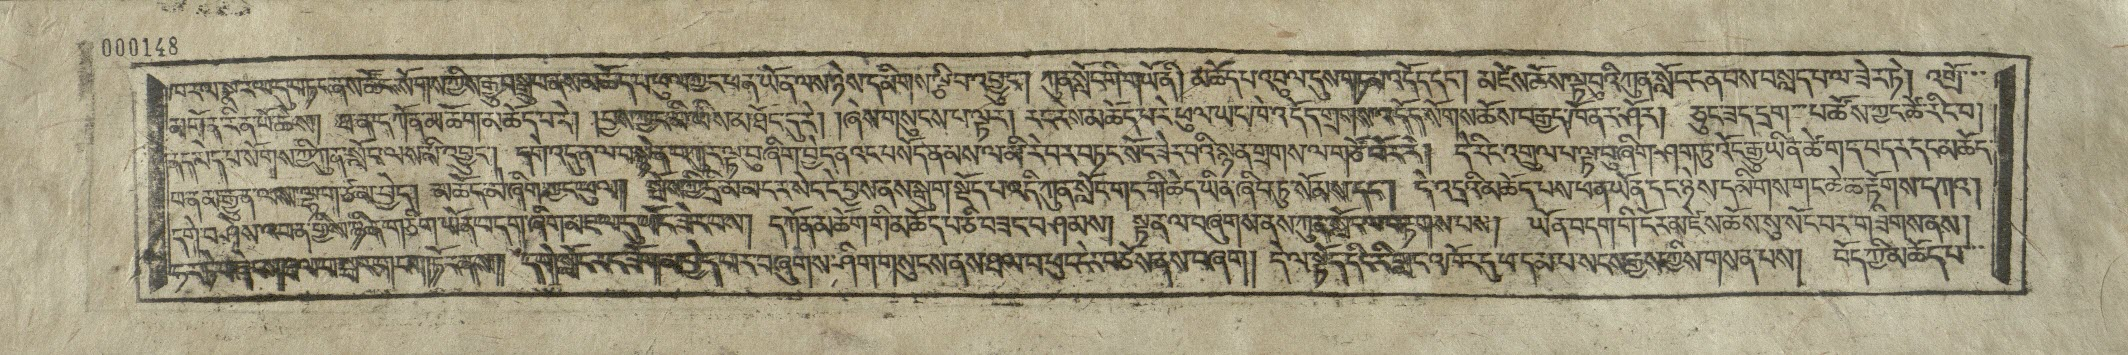ཁ་རལ་སྣ་རལ་དུ་བཏང་ནས་ཚོང་སོགས་ཀྱིས་རྒྱུ་བསྒྲུབ་ནས་མཆོད་པ་ཕུལ་ཀྱང་ཕན་ཡོན་ལས་ཉེས་དམིགས་ལྕི་བ་འབྱུང་། ཀུན་སློང་གི་གཡོ་ནི། མཆོད་པ་འབུལ་དུས་གཏམ་འདོད་དང་། མཛེས་ཆོས་ལྟ་བུའི་ཀུན་སློང་ངན་པས་བསླད་པ་ལ་ཟེར་ཏེ། འགྲོ་
མགོན་རིན་པོ་ཆེས། ཐ་ན་དཀོན་མཆོག་མཆོད་པ་རེ། །བྱས་ཀྱང་མི་ཡིས་མཐོང་དུ་རེ། །ཞེས་གསུངས་པ་ལྟར། རང་རེས་མཆོད་པ་རེ་ཕུལ་ཡང་ཁེ་འདོད་གྲགས་འདོད་སོགས་ཆོས་བརྒྱད་ཁོ་ནར་ཤོར། ཅུང་ཟད་དྲག་པ་ཚོས་ཀྱང་ཚེ་རིང་བ།
ནད་མེད་པ་སོགས་ཀྱི་ཀུན་སློང་ལས་མི་འབྱུང་། དགེ་འདུན་ལ་བསྙེན་བཀུར་ལྟ་བུ་ཞིག་བྱེད་ནའང་བསོད་ནམས་ལ་མི་རེ་བར་བཏང་སོང་ཟེར་བའི་སྙན་གྲགས་ལ་གཙོ་བོར་རེ། དེ་རིང་འགྲུལ་པ་ལྟ་བུ་ཞིག་ཤག་ཏུ་འོང་རྒྱུ་ཡིན་ཚེ་གད་བདར་དང་མཆོད་
པ་ནམ་རྒྱུན་ལས་ལྷག་ཙམ་བྱེད། མཆོད་མེ་ཞིག་ཀྱང་ཕུལ། སྤོས་ཀྱི་དྲི་མ་མངར་སེང་ངེ་བྱས་ནས་སྒུག་སྡོད་པ་འདི་ཀུན་སློང་གང་གི་ཆེད་ཡིན་ཞིབ་ཏུ་སོམས་དང་། དེ་འདྲའི་མཆོད་པས་ཕན་ཡོན་དང་ཉེས་དམིགས་གང་ཆེ་ཆ་རྟོགས་དཀའ།
དགེ་བཤེས་འབན་གྱིས་ཉིན་གཅིག་ཡོན་བདག་ཞིག་མཇལ་དུ་ཡོང་ཟེར་བས། དཀོན་མཆོག་གི་མཆོད་པ་ཅི་བཟང་བཤམས། སྟན་ལ་བཞུགས་ནས་ཀུན་སློང་ལ་བརྟགས་པས། ཡོན་བདག་གི་ངོར་མཛེས་ཆོས་སུ་སོང་བར་གཟིགས་ནས།
ཧར་ཏེ་བཞེངས། ཐལ་བ་སྦར་གང་གཏོར་ནས། དགེ་སློང་རང་ཟོག་མ་བྱེད་པར་བཞུགས་ཤིག་གསུངས་ནས་ཐལ་བ་ཕུང་ངེར་བཅོས་ནས་བཞག་དེ་ལ་སྟོད་དིང་རི་གླང་འཁོར་དུ་ཕ་དམ་པ་སངས་རྒྱས་ཀྱིས་གསན་པས། བོད་ཀྱི་མཆོད་པ་